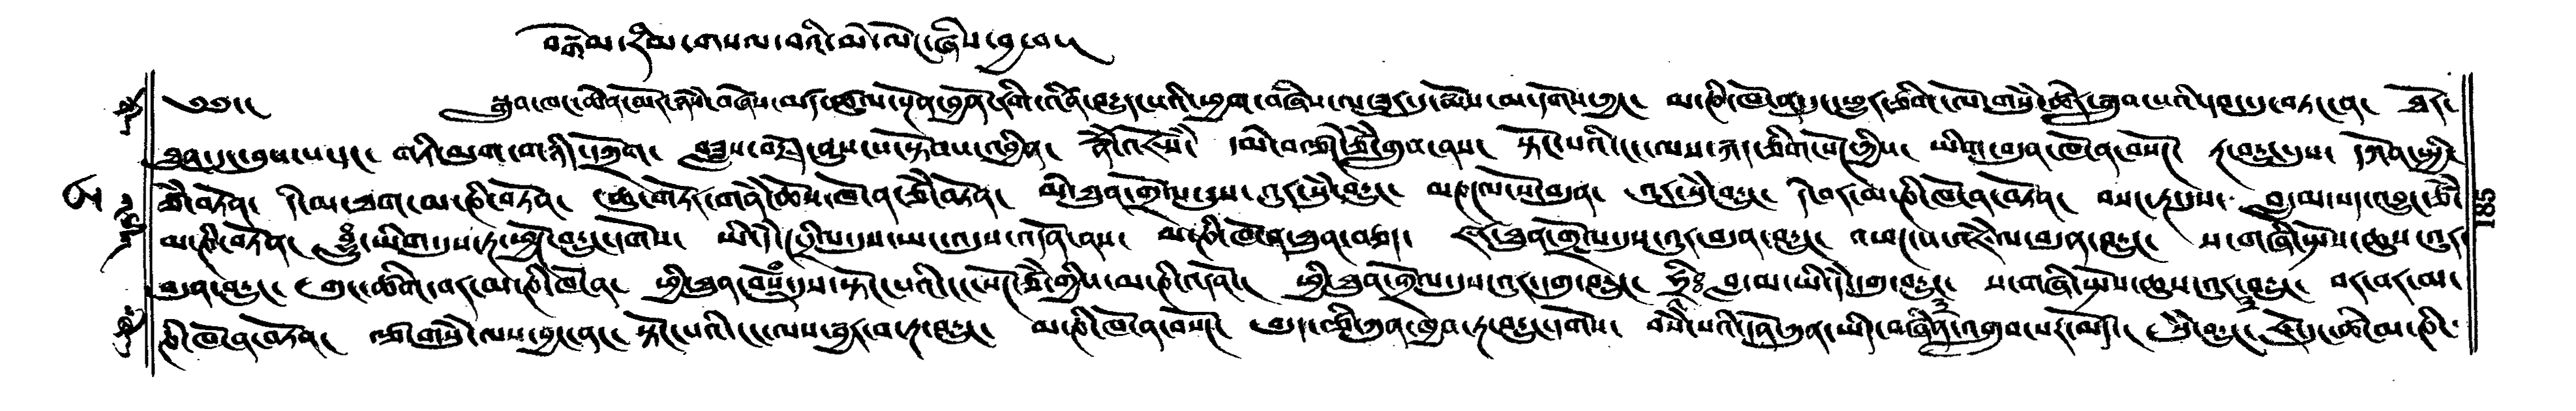༄༅། སྒོམ་རིམ་གསལ་བའི་མེ་ལོང་ཞེས་བྱ་བ། སྒྲུབ་ཁང་ཆེན་མོར་ཉམས་བཞེས་མཛད་ཚུལ་སྔོན་བྱོན་རིག་འཛིན་བརྒྱུད་པའི་ཕྱག་བཞེས་ལ་ཟུར་དུ་སྨོས་མ་དགོས་ཀྱང་། མ་ཎི་ཁོ་ན་དུང་ཕྱུར་གཅིག་ལོ་གསུམ་ཆེར་སྒྲུབ་པའི་དབང་དུ་བཏང་ན། ཐོར་
ཐུན་དུང་བུས་པ་དང་། གཏི་མུག་གཉིད་དཀྲོག བཟླས་བརྗོད་ནུས་པ་སྟོབས་བྱིན། རྣམ་འཇོམས། དམེ་བརྩེགས་ཙམ་གྲུབ་ནས། སྟོང་པའི་ངང་ལས་སྐད་ཅིག༴ སོགས་ཀྱིས། ཡིག་བདུན་ཁོ་ན་གསོག རྔ་རྡུང་དུས། དཀོན་སྤྱི་
ཙམ་འདོན། དེ་མ་ཐག་མ་ཎི་འདོན། ཆུ་གཏོར་གནམ་ཆོས་ཁོ་ན་ཙམ་འདོན། མེ་ཐུན་གྲོལ་དུས། འུར་གསུམ་རྡུང་། མཎྜལ་སོ་བདུན། འུར་གསུམ་རྡུང་། དེ་བར་མ་ཎི་ཁོ་ན་འདོན། བསང་རྔ་དུས། བླ་མ་པད་འབྱུང། ཙམ་
མ་ཎི་འདོན། བྷྲུཾ་ཡིག༴ དུས་རྔ་ཕྱོགས་བརྡུང་དགོས། ཡི་དམ་ཌཱ་དྲིལ་དུས་ཡང་འདུས་བཏཽན་ནས། མ་ཎི་ཁོ་ན་ཐུན་བཅད། ཛར་ཐུན་གྲོལ་དུས་འུར་བདུན་རྡུང་། འཕགས་པ་འཇམ་དཔལ་བདུན་རྡུང་། ས་གཞི་སྤོས་ཆུས་འུར་
བདུན་རྡུང་། གུང་ཚིགས་བར་མ་ཎི་ཁོ་ན། ཕྱི་ཐུན་སྡོམ་དུས་སྟོང་པའི་ངང་སོགས་ཙམ་གྱིས་མ་ཎི་འདོན། ཕྱི་ཐུན་གྲོལ་དུས་འུར་དགུ་རྡུང་། ཧྲཱིཿ བླ་མ་ཡི་དམ༴ དགུ་རྡུང་། ས་གཞི་སྤོས་ཆུས༴ འུར་གསུམ་རྡུང་། བར་བར་མ་
ཎི་ཁོ་ན་འདོན། རྩ་གསུམ་ལས་བྱང་ནང་། སྟོང་པའི་ངང་ལས༴ སྦྱར་བ་རྔ་བརྡུང་། མ་ཎི་ཁོ་ན་གསོག བདུད་རྩི་ཀུན་ཁྱབ་རྔ་རྡུང་དགོས། བསམ་པའི་དོན་ཀུན་ཡིད་བཞིན་འགྲུབ་པར་མཛོད། སུམ་རྡུང་། ཇ་དུང་ཚེ་མ་ཎི་